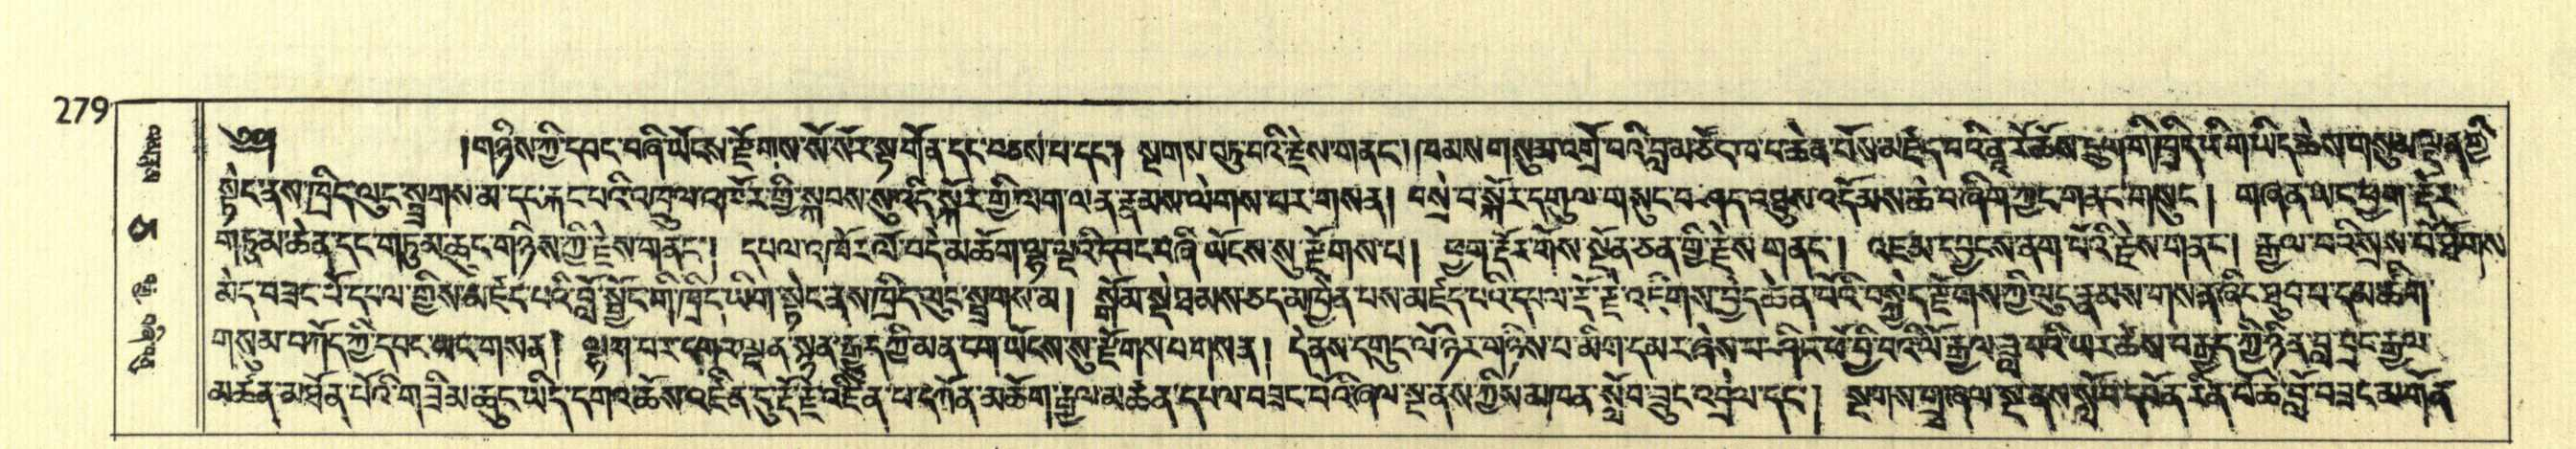༄༅། །གཉིས་ཀྱི་དབང་བཞི་ཡོངས་རྫོགས་སོ་སོར་སྟ་གོན་དང་བཅས་པ་དང་། སྔགས་བཏུ་བའི་རྗེས་གནང་། ཁམས་གསུམ་འགྲོ་བའི་བླ་མ་ཙོང་ཁ་པ་ཆེན་པོས་མཛད་པའི་ནཱ་རོ་ཆོས་དྲུག་གི་ཁྲིད་ཡིག་ཡིད་ཆེས་གསུམ་ལྡན་གྱི་
སྟེང་ནས་ཁྲིད་ལུང་སྦྲགས་མ་དང་རྐང་པའི་འཁྲུལ་འཁོར་གྱི་སྐབས་སུ་འདི་སྐོར་གྱི་ལག་ལན་རྣམས་ལེགས་པར་གསན། བསྲེ་བ་སྐོར་དགུལ་གསུང་བཤད་འཐུས་འདོམས་ཆེ་བ་ཞིག་ཀྱང་གནང་གསུང་། གཞན་ཡང་ཕྱག་རྡོར་
གཏུམ་ཆེན་དང་གཏུམ་ཆུང་གཉིས་ཀྱི་རྗེས་གནང་། དཔལ་འཁོར་ལོ་བདེ་མཆོག་ལྷ་ལྔའི་དབང་བཞི་ཡོངས་སུ་རྫོགས་པ། ཕྱག་རྡོར་གོས་སྔོན་ཅན་གྱི་རྗེས་གནང་། འཇམ་དབྱངས་ནག་པོའི་རྗེས་གནང་། རྒྱལ་བའི་སྲས་བོ་ཐོགས་
མེད་བཟང་པོ་དཔལ་གྱིས་མཛད་པའི་བློ་སྦྱོང་གི་ཁྲིད་ཡིག་སྟེང་ནས་ཁྲིད་ལུང་སྦྲགས་མ། སྒོམ་སྡེ་ཐམས་ཅད་མཁྱེན་པས་མཛད་པའི་དཔལ་རྡོ་རྗེ་འཇིགས་བྱེད་ཆེན་པོའི་བསྐྱེད་རྫོགས་ཀྱི་ལུང་རྣམས་གསན་ཞིང་ཐུབ་པ་དམ་ཚིག་
གསུམ་བཀོད་ཀྱི་དབང་མང་གསན། ལྷག་བར་དགའ་ལྡན་སྙན་རྒྱུད་ཀྱི་མན་ངག་ཡོངས་སུ་རྫོགས་པ་གསན། དེ་ནས་དགུང་ལོ་ཉེར་གཉིས་པ་མིག་དམར་ཞེས་པ་ཤིང་ཕོ་བྱི་བའི་ལོ་རྒྱལ་ཟླ་བའི་ཡར་ཚེས་བརྒྱད་ཀྱི་ཉིན་བླ་བྲང་རྒྱལ་
མཚན་མཐོན་པོའི་གཟིམ་ཆུང་ཡིད་དགའ་ཆོས་འཛིན་དུ་རྡོ་རྗེ་འཛིན་པ་དཀོན་མཆོག་རྒྱལ་མཚན་དཔལ་བཟང་བོའི་ཞལ་སྔ་ནས་ཀྱིས་མཁན་སློབ་ཟུང་འབྲེལ་དང་། སྔགས་གྲྭ་ཞལ་སྔ་ནས་སློབ་དཔོན་རིན་པོ་ཆེ་བློ་བཟང་མགོན་